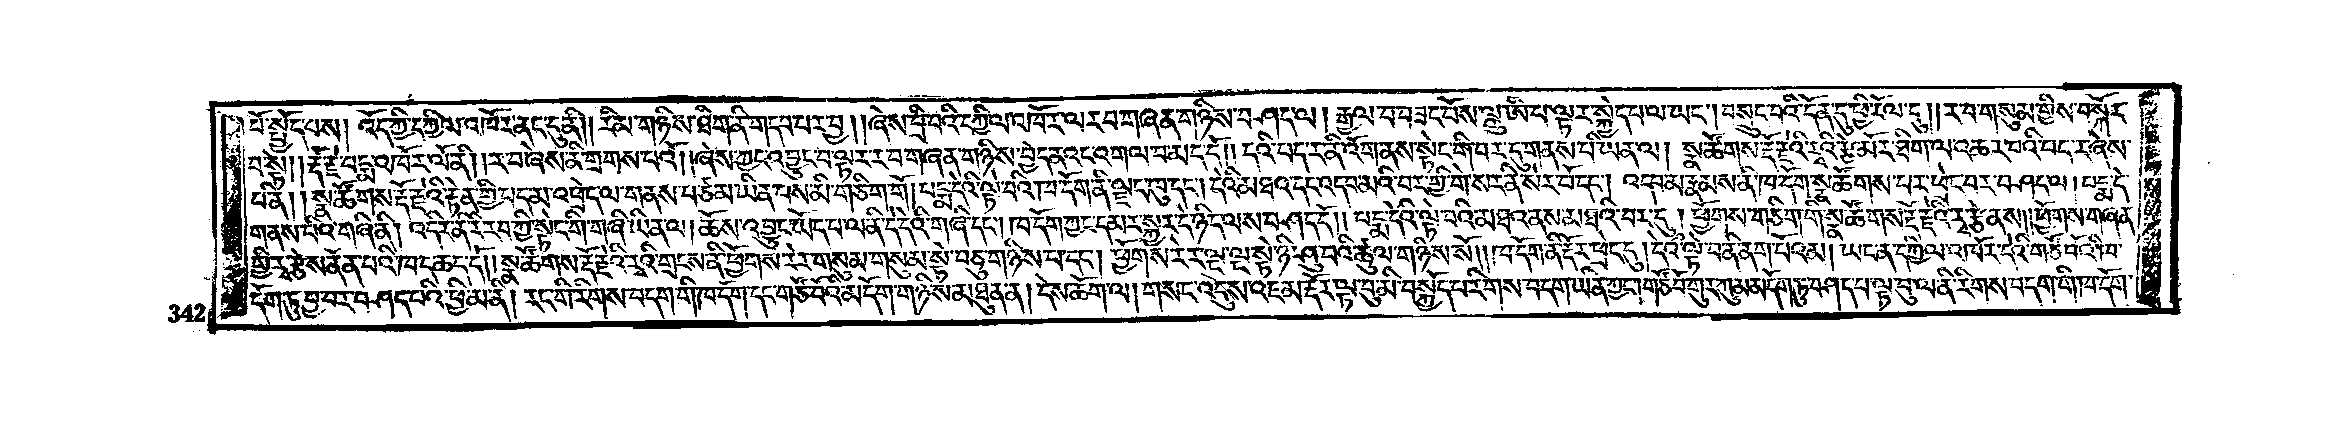པོ་སྤྱོད་པས། འོད་ཀྱི་དཀྱིལ་འཁོར་ནང་དུ་ནི། །རིམ་གཉིས་ཐིག་ནི་གདབ་པར་བྱ། །ཞེས་བྲི་བའི་དཀྱིལ་འཁོར་ལ་ར་བ་གཞན་གཉིས་བཤད་ལ། རྒྱལ་བ་བཟང་པོས་ལཱུ་ཨི་པ་ལྟར་སྐྱེད་པ་ལ་ཡང་། བསྲུང་བའི་དོན་དུ་ཕྱི་རོལ་དུ། །ར་བ་གསུམ་གྱིས་བསྐོར་
བ་སྟེ། །རྡོ་རྗེ་པདམ་འཁོར་ལོ་ནི། །ར་བ་ཞེས་ནི་གྲགས་པའོ། །ཞེས་ཀྱང་འབྱུང་བ་ལྟར་ར་བ་གཞན་གཉིས་བྱེད་ནའང་འགལ་བ་མེད་དོ། །དའི་པད་ར་ནི་འོག་ནས་སྟེང་གི་བར་དུ་གནས་པ་ཡིན་ལ། སྣ་ཚོགས་རྡོ་རྗེའི་རྭའི་རྩེ་མོར་ཐིག་ལ་འཆར་བའི་པད་ར་ཞེས་
པ་ནི། །སྣ་ཚོགས་རྡོ་རྗེའི་རྟེན་གྱི་པད་མ་འཕྲེད་ལ་གནས་པ་ཙམ་ཡིན་པས་མི་གཅིག་གོ །པདམ་དེའི་ལྟེ་བའི་ཁ་དོག་ནི་ལྗང་ཁུ་དང་། དེའི་མཐའ་དང་འདབ་མའི་བར་གྱི་གེ་སར་ནི་སེར་པོ་དང་། འདབ་མ་རྣམས་ནི་ཁ་དོག་སྣ་ཚོགས་པར་ཕྲེང་བར་བཤད་ལ། པདམ་དེ་
གནས་པའི་གཞི་ནི། འདིར་ནི་རི་རབ་ཀྱི་སྟེང་གི་གཞི་ཡིན་ལ། ཆོས་འབྱུང་ཡོད་པ་ལ་ནི་དེ་དེའི་གཞི་དང་། ཁ་དོག་ཀྱང་དམར་སྐྱར་དེ་ཉིད་ལས་བཤད་དོ། །པདམ་དེའི་ལྟེ་བའི་མཐའ་ནས་མཐའི་བར་དུ། ཕྱོགས་གཅིག་གི་སྣ་ཚོགས་རྡོ་རྗེའི་རྭ་རྩེ་ནས། །ཕྱོགས་གཞན་
གྱི་རྭ་རྩེས་ནོན་པའི་ཁ་ད་ཆད་དོ། །སྣ་ཚོགས་རྡོ་རྗེའི་རྭའི་གྲངས་ནི་ཕྱོགས་རེར་གསུམ་གསུམ་སྟེ་བཅུ་གཉིས་པ་དང་། ཨིཕྱོགས་རེར་ལྔ་ལྔ་སྟེ་ཉི་ཤུ་པའི་ཚུལ་གཉིས་སོ། །ཁ་དོག་ནི་རྡོར་ཕྲེང་དུ། དེའི་ལྟེ་བ་ནི་ནག་པོའམ། ཡང་ན་དཀྱིལ་འཁོར་དེའི་གཙོ་བོའི་ཁ་
དོག་ཏུ་བྱ་བར་བཤད་པའི་ཕྱི་མ་ནི། རང་གི་རིགས་བདག་གི་ཁ་དོག་དང་གཙོ་བོའི་མདོག་གཉིས་མཐུན་ན། དེས་ཆོག་ལ། གསང་འདུས་འཇམ་རྡོར་ལྟ་བུ་མི་བསྐྱོད་པ་རིགས་བདག་ཡིན་ཀྱང་། གཙོ་བོ་གུར་ཀུམ་མདོག་ཏུ་བཤད་པ་ལྟ་བུ་ལ་ནི་རིགས་བདག་གི་ཁ་དོག་